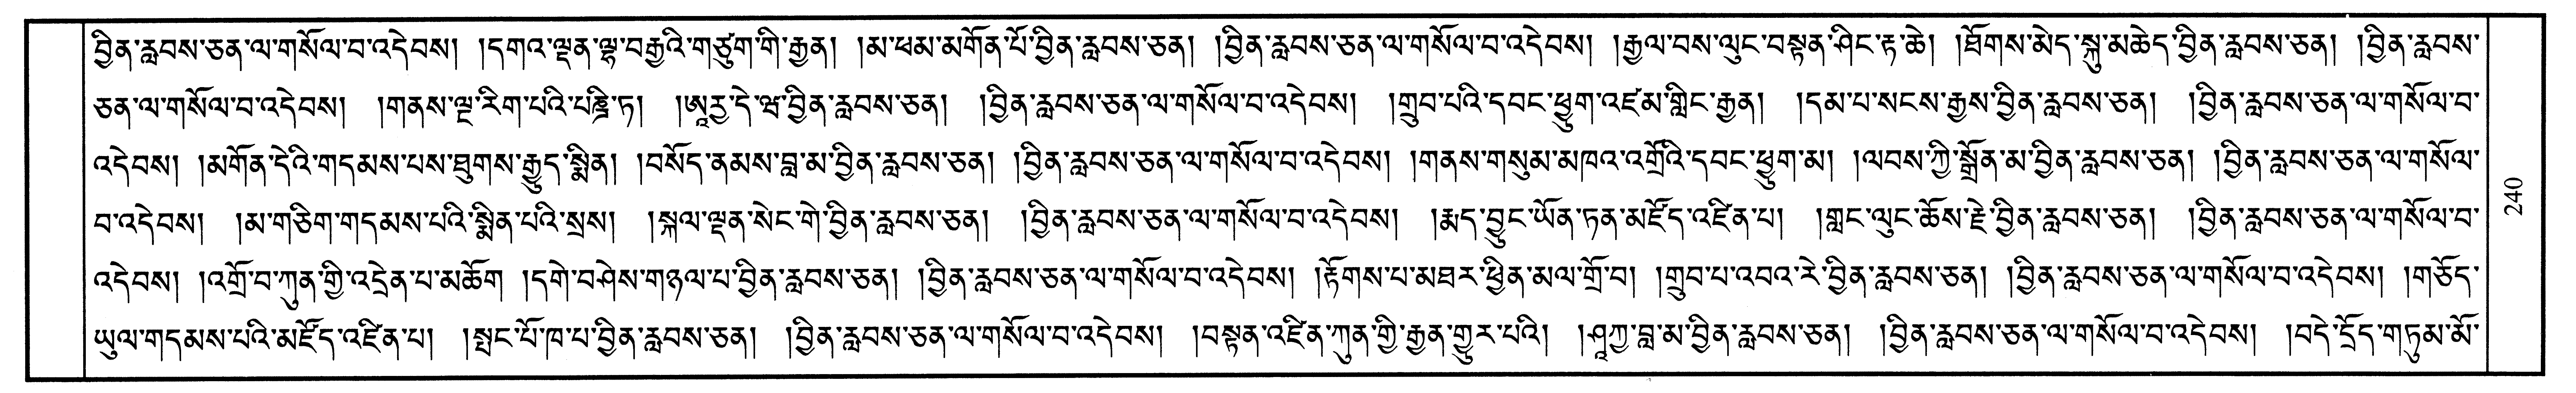བྱིན་རླབས་ཅན་ལ་གསོལ་བ་འདེབས། །དགའ་ལྡན་ལྷ་བརྒྱའི་གཙུག་གི་རྒྱན། །མ་ཕམ་མགོན་པོ་བྱིན་རླབས་ཅན། །བྱིན་རླབས་ཅན་ལ་གསོལ་བ་འདེབས། །རྒྱལ་བས་ལུང་བསྟན་ཤིང་རྟ་ཆེ། །ཐོགས་མེད་སྐུ་མཆེད་བྱིན་རླབས་ཅན། །བྱིན་རླབས་
ཅན་ལ་གསོལ་བ་འདེབས། །གནས་ལྔ་རིག་པའི་པཎྜི་ཏ། །ཨཱརྱ་དེ་ཝ་བྱིན་རླབས་ཅན། །བྱིན་རླབས་ཅན་ལ་གསོལ་བ་འདེབས། །གྲུབ་པའི་དབང་ཕྱུག་འཛམ་གླིང་རྒྱན། །དམ་པ་སངས་རྒྱས་བྱིན་རླབས་ཅན། །བྱིན་རླབས་ཅན་ལ་གསོལ་བ་
འདེབས། །མགོན་དེའི་གདམས་པས་ཐུགས་རྒྱུད་སྨིན། །བསོད་ནམས་བླ་མ་བྱིན་རླབས་ཅན། །བྱིན་རླབས་ཅན་ལ་གསོལ་བ་འདེབས། །གནས་གསུམ་མཁའ་འགྲོའི་དབང་ཕྱུག་མ། །ལབས་ཀྱི་སྒྲོན་མ་བྱིན་རླབས་ཅན། །བྱིན་རླབས་ཅན་ལ་གསོལ་
བ་འདེབས། །མ་གཅིག་གདམས་པའི་སྨིན་པའི་སྲས། །སྐལ་ལྡན་སེང་གེ་བྱིན་རླབས་ཅན། །བྱིན་རླབས་ཅན་ལ་གསོལ་བ་འདེབས། །རྨད་བྱུང་ཡོན་ཏན་མཛོད་འཛིན་པ། །གླང་ལུང་ཆོས་རྗེ་བྱིན་རླབས་ཅན། །བྱིན་རླབས་ཅན་ལ་གསོལ་བ་
འདེབས། །འགྲོ་བ་ཀུན་གྱི་འདྲེན་པ་མཆོག །དགེ་བཤེས་གཉལ་པ་བྱིན་རླབས་ཅན། །བྱིན་རླབས་ཅན་ལ་གསོལ་བ་འདེབས། །རྟོགས་པ་མཐར་ཕྱིན་མལ་གྲོ་བ། །གྲུབ་པ་འབའ་རེ་བྱིན་རླབས་ཅན། །བྱིན་རླབས་ཅན་ལ་གསོལ་བ་འདེབས། །གཅོད་
ཡུལ་གདམས་པའི་མཛོད་འཛིན་པ། །སྤང་པོ་ཁ་པ་བྱིན་རླབས་ཅན། །བྱིན་རླབས་ཅན་ལ་གསོལ་བ་འདེབས། །བསྟན་འཛིན་ཀུན་གྱི་རྒྱན་གྱུར་པའི། །ཤཱཀྱ་བླ་མ་བྱིན་རླབས་ཅན། །བྱིན་རླབས་ཅན་ལ་གསོལ་བ་འདེབས། །བདེ་དྲོད་གཏུམ་མོ་